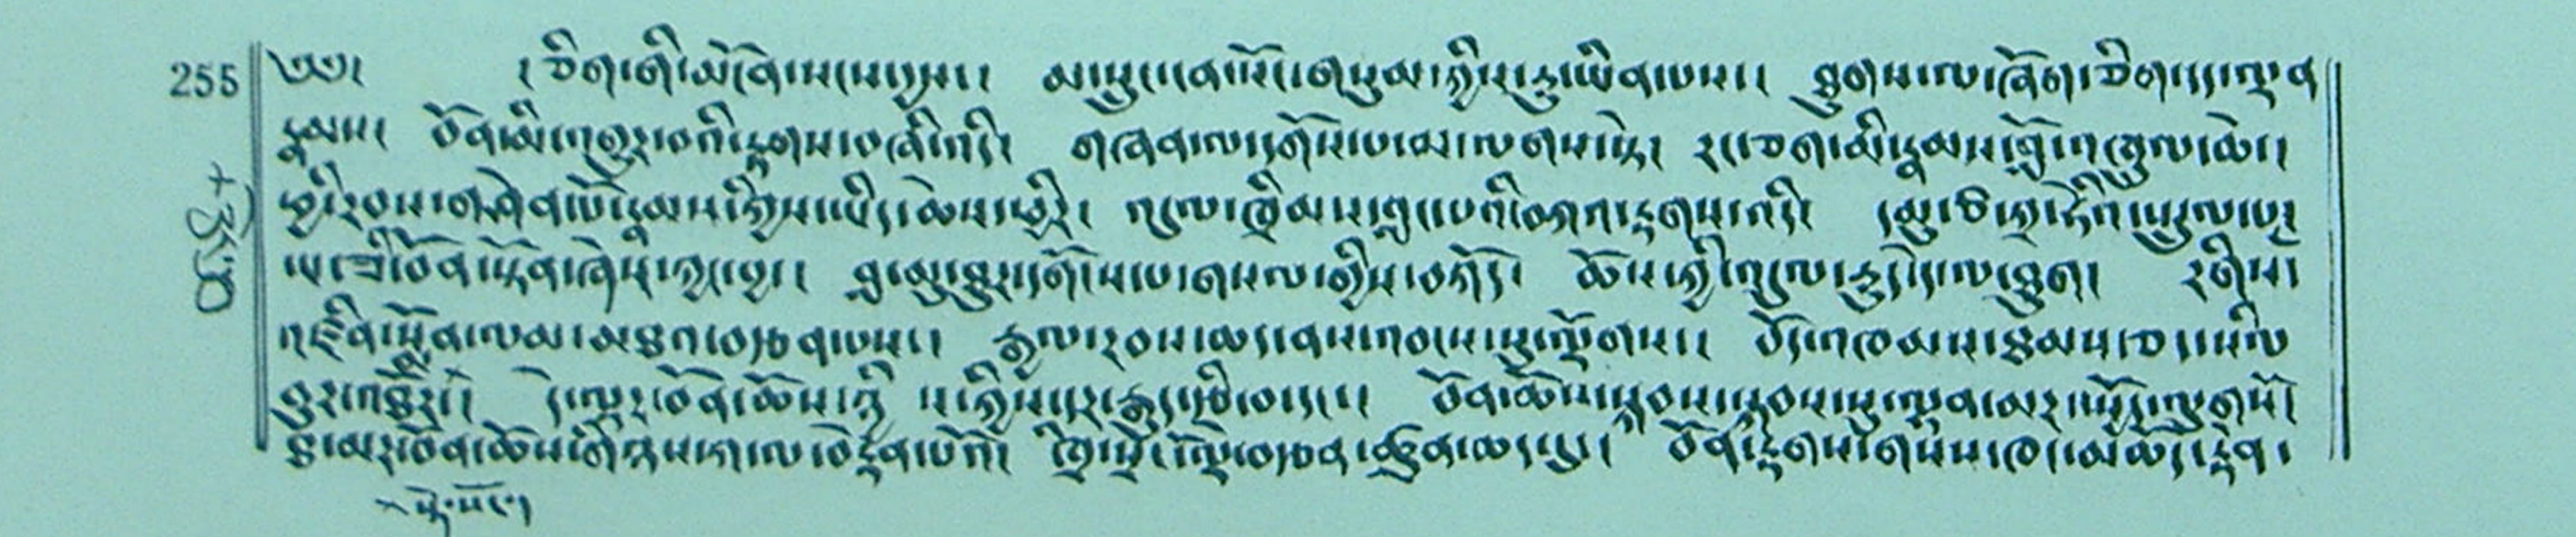༄༅། །གཅིག་གིས་མངོན་སངས་རྒྱས། མ་བསྲུང་ངན་སོང་གསུམ་གྱི་རྒྱུ་ཡིན་པས། ཐུགས་ལ་ཞོག་དང་དད་ལྡན་
རྣམས། བོན་མི་འགྱུར་བའི་རྟགས་བཞི་འདི། གཞན་ལ་དགོས་པ་མ་ལགས་ཏེ། རང་ཅག་མི་རྣམས་བློ་འཁྲུལ་ཆེ། 
ཕྱི་རབས་གཤེན་པོ་རྣམས་ཀྱིས་ཡིད་ཆེས་ཕྱིར། འདུལ་ཁྲིམས་བླངས་པའི་བཀའ་རྟགས་འདི། དམུ་ཙ་དྲ་ཧེ་ཡི་སྤྲུལ་པ་
ཡ་ཟི་བོན་སྟོན་ཞེས་ཀྱང་བྱ། བླ་མུ་ཐུར་དགོངས་པ་གསལ་གྱིས་བྱ་བས་བཀོད། ཆོས་ཀྱི་འདུལ་རྒྱུད་ཁྲིམས་དེ་ལ་ཐུག། །རིགས་
འཛིན་སྨོན་ལམ་མཐའ་བརྩན་པས། རྒྱལ་རབས་ཆད་ནས་འབངས་སུ་ལྡོགས། བོད་ཁམས་ཐམས་ཅད་སིལ་
བུར་འཐོར། དེ་ལྟར་བོན་ཆོས་གཉིས་ཀྱིས་དར་རྒུད་བརྩི་བ་དང་། བོན་ཆོས་གཉིས་སྐབས་སྐབས་སུ་ལྷན་མར་སྤྱོད་ལུགས་སོ། །
ཐ་མར་བོན་ཆོས་གཉིས་ཀ་ལ་བརྟེན་པའོ། །ཁྲི་སྲོང་ལྡེ་བཙན་ཚུན་ཆད་དུ། བོན་རྟགས་གསས་ཁང་དང་མཆོད་རྟེན་